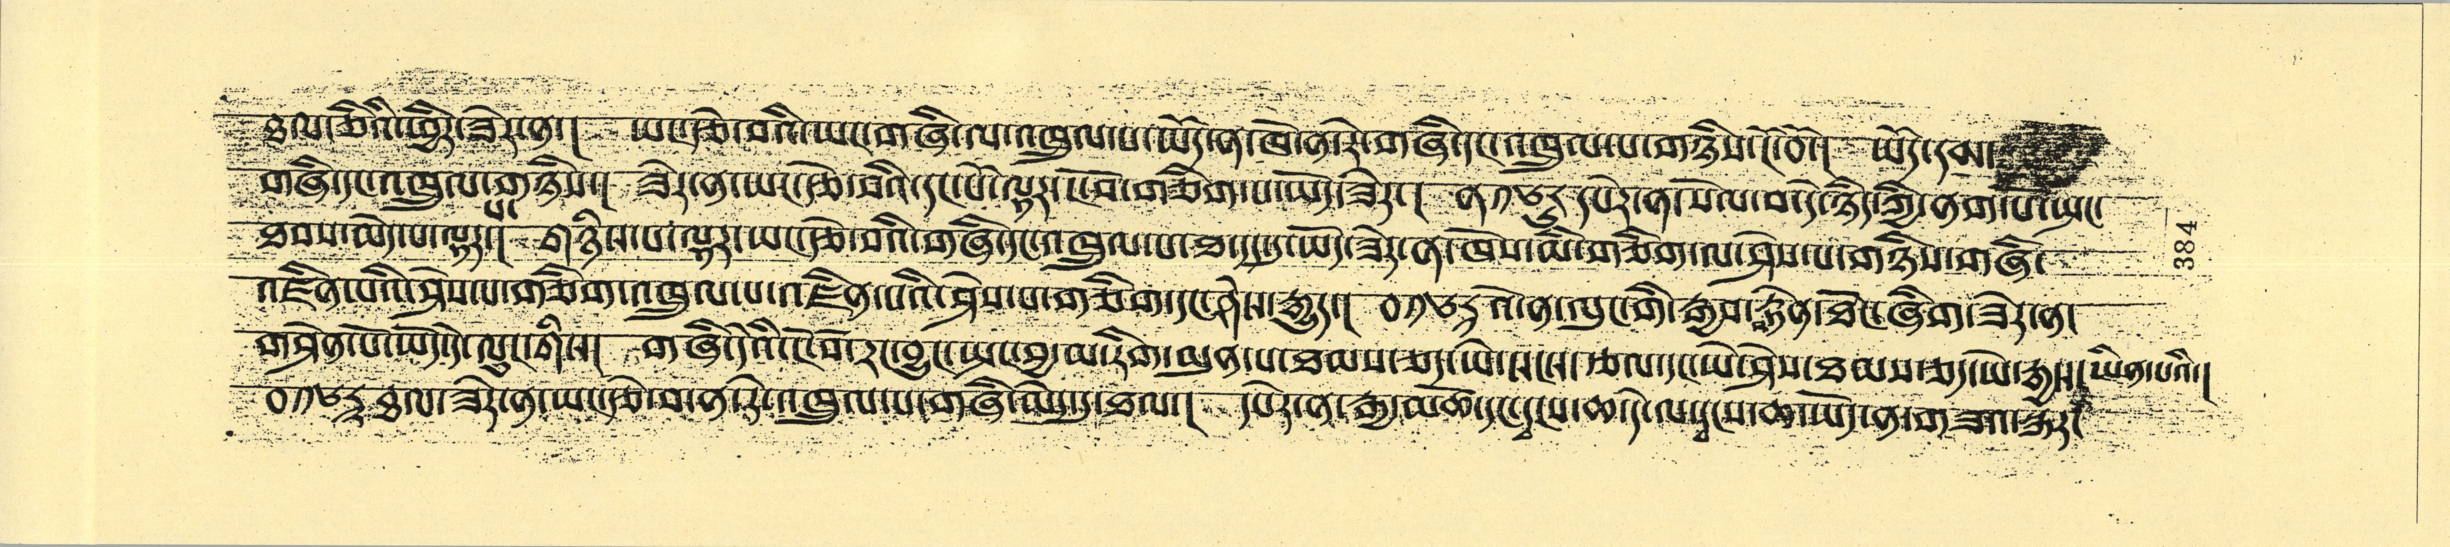༼ཐལ་༽ཅིའི་ཕྱིར་ཟེར་ན། ཡང་རྩེ་བའི་ཡང་གཞི་ལ་འཁྲུལ་པ་ ༼ཡོད་ན་༽ཁོ་ན་རེ་གཞི་དང་འཁྲུལ་པ་གཉིས་ ༼ངོ་བོ།༽ ༼ཡོད་དམ་༽
གཞི་དང་འཁྲུལ་པ་གཉིས། ཟེར་ན་ཡང་རྩེ་བའི་ ༼དང་པོ་ལྟར་༽ངོ་བོ་གཅིག་པ་ཡོད་ཟེར། ན༡༦༨།༦ ༼དཔེར་ན་༽སོལ་བ་དེ་ཉིད་ཀྱི་ནག་པོ་སྤང་
ཐབས་མེད་པ་ལྟར། ༼གཉིས་པ་༽ལྟར་ཡང་རྩེ་བའི་གཞི་དང་འཁྲུལ་པ་ཐ་དད་དུ་ཡོད་ཟེར་ན་ཁོས་མི་གཅིག་ལ་ཤེས་པ་གཉིས་གཞི་
འཛིན་པའི་ཤེས་པ་གཅིག་འཁྲུལ་པ་འཛིན་པའི་ཤེས་པ་གཅིག་དང་ ༼ཤེས་རྒྱུད།༽བ༡༦༨།༡ འོ་ན་ལུང་གི་རྒྱབ་རྟེན་ཐོང་ཞིག་ཟེར་ན། 
གཤེན་པོ་ཡོད་དེ་ ༼ལུང་གིས།༽གཞི་དེའི་ངོ་བོ་ ༼རང་བྱུང་༽སྤང་བྱ་མ་རིག་མུན་པ་ཐམས་ཅད་ ༼ཡེ་སངས་༽རྩལ་དང་ཡེ་ཤེས་ཐམས་ཅད་ ༼ཡེ་རྒྱས་༽ཡིན་པའི། 
བ༡༦༨།༢ ༼ཐལ་༽ཟེར་ན་ཡང་རྩེ་བ་ན་རེ་འཁྲུལ་པ་གཞི་མེད་དུ་ཐལ། དཔེར་ན། རྒྱ་མཚོ་དང་དྭངས་ཆ་དེ་ལ་དྭས་ཆ་ཡོད་ན་གཟའ་སྐར་